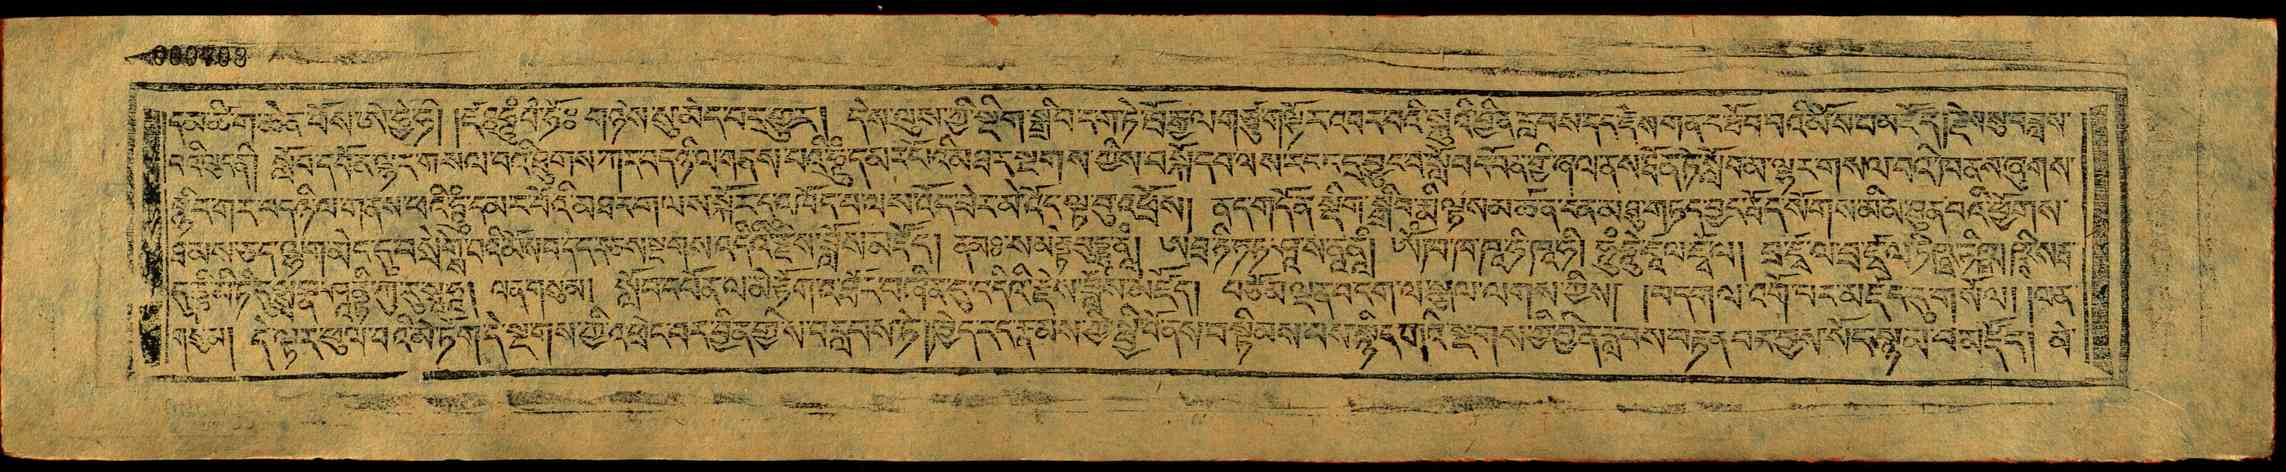དམ་ཚིག་ཆེན་པོས་ཨེ་ཧྱེ་ཧི། །ཛཿ ཧཱུཾ་བཾ་ཧོཿ གཉིས་སུ་མེད་པར་གྱུར། དེས་ལུས་ཀྱི་སྡིག་སྒྲིབ་དག་ཏེ་ཁྲོ་རྒྱལ་གཙུག་ཏོར་འབར་བའི་སྐུའི་བྱིན་རླབས་དང་རྗེས་གནང་ཐོབ་པའི་མོས་པ་མཛོད། རྗེས་སུ་བཟླས་
པའི་ལུང་ནི། སློབ་དཔོན་ལྷར་གསལ་བའི་ཐུགས་ཀར་པད་ཉི་ལ་གནས་པའི་ཧཱུཾ་དམར་པོའི་མཐར་སྔགས་ཀྱིས་བསྐོར་བ་ལས་རང་འདྲ་བྱུང་བ་སློབ་དཔོན་གྱི་ཞལ་ནས་ཐོན་ཏེ་སློབ་མ་ལྷར་གསལ་བའི་ཁ་ནས་ཞུགས་
སྙིང་གར་པད་ཉི་ལ་གནས་པའི་ཧཱུཾ་དམར་པོའི་མཐར་གཡས་སྐོར་དུ་འཁོད་པ་ལས་འོད་ཟེར་མེ་འོད་ལྟ་བུ་འཕྲོས། ནད་གདོན་སྡིག་སྒྲིབ་རྨི་ལྟས་མཚན་ངན་མཐུ་གཏང་བྱང་རྦོད་སོགས་མི་མཐུན་པའི་ཕྱོགས་
ཐམས་ཅད་ལྷག་མེད་དུ་བསྲེགས་པའི་མོས་པ་དང་བཅས་སྔགས་འདིའི་རྗེས་ཟློས་མཛོད། ན་མཿ ས་མནྟ་བུདྡྷཱ་ནཱཾ། ཨ་པྲ་ཏི་ཧ་ཏ་ཤ་ས་ནཱ་མཱཾ། ཨོཾ་ཁ་ཁ་ཁཱ་ཧི་ཁཱ་ཧི། ཧཱུཾ་ཧཱུཾ་ཛྭ་ལ་ཛྭ་ལ། པྲ་ཛྭ་ལ་པྲ་ཛྭ་ལ་ཏི་ཥཊཿཨ་ཏི་ཥཊཿཨ། ཥྚི་སརྦ་
དུ་རྟི་མི་ཏི་དུ་སྶྭབྣ་ཤཱནྟིཾ་ཀུ་རུ་སྭཱ་ཧཱ། ལན་གསུམ། སློབ་དཔོན་ལ་མེ་ཏོག་འཐོར་བཞིན་དུ་འདིའི་རྗེས་ཟློས་མཛོད། བཅོམ་ལྡན་བདག་ལ་སྩལ་ལགས་ཀྱིས། །བདག་ལ་འགོ་པར་མཛད་དུ་གསོལ། །ལན་
གསུམ། དེ་ལྟར་ཕུལ་བའི་མེ་ཏོག་དེ་སྔགས་ཀྱི་འཕྲེང་བར་བྱིན་གྱིས་བརླབས་ཏེ། ཁྱེད་རང་རྣམས་ཀྱི་སྤྱི་བོ་ནས་བསྟིམས་པས་སྙིང་གའི་སྔགས་ཀྱི་བྱིན་རླབས་བརྟན་པར་བྱས་སོང་སྙམ་པ་མཛོད། མེ་